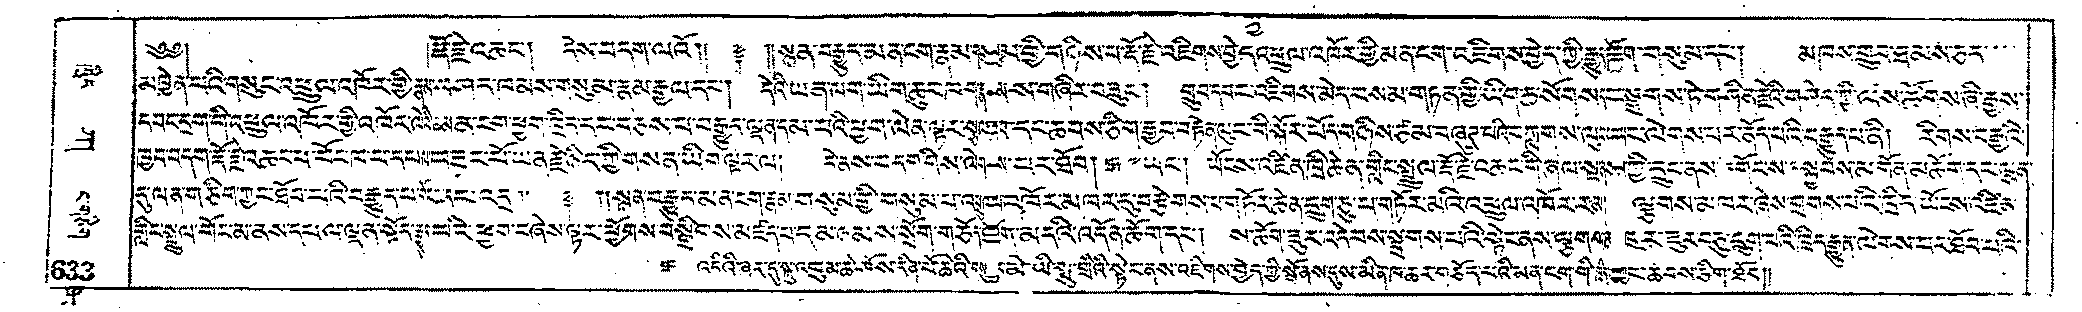༄༅། །རྡོ་རྗེ་འཆང་། དེས་བདག་ལའོ།། ༈ །།སྙན་བརྒྱུད་མན་ངག་རྣམ་གསུམ་གྱི་གཉིས་པ་རྡོ་རྗེ་འཇིགས་བྱེད་འཕྲུལ་འཁོར་གྱི་མན་ངག་འཇིགས་བྱེད་ཀྱི་རྒྱུད་རྟོག་གསུམ་དང་། མཁས་གྲུབ་ཐམས་ཅད་
མཁྱེན་པའི་གསུང་འཕྲུལ་འཁོར་གྱི་རྣམ་བཤད་ཁམས་གསུམ་རྣ་རྒྱལ་དང་། དེའི་ཡན་ལག་ཡིག་ཆུང་ཁག་རྣམས་གཞིར་བཟུང་། གྲུབ་དབང་འཇིགས་མེད་བསམ་གཏན་གྱི་ཡིག་ཆ་སོགས་དང་སྒྲགས་ཏེ་གཤིན་རྗེའི་གཤེད་ཀྱི་ལས་ཚོགས་ཞི་རྒྱས་
དབང་དྲག་གི་འཕྲུལ་གྱི་འཁོར་ལོའི་མན་ངག་ཕྱག་ཁྲིད་དང་བཅས་པ་བརྒྱུད་ལྡན་དམ་པའི་ཕྱག་ལེན་ལྟར་སྩལ་བ་དང་ཆབས་ཅིག་རྒྱབ་བརྟེན་ལུང་གི་སྐོར་པོད་གཉིས་ཙམ་བཞུཌ་པའི་བླགས་ལུང་ཡང་ལེགས་པར་ནོད་པའི་བརྒྱུད་པ་ནི། རིགས་བརྒྱའི་
ཁྱབ་བདག་རྡོ་རྗེ་འཆང་ཕ་བོང་ཁ་པ་དཔལ་བཟང་པོ་ཡན་རྗེ་ཉིད་ཀྱི་གསན་ཡིན་ལྟར་ལ། དེ་ནས་བདག་གིས་ལེགས་པར་ཐོབ། ༧་ཡང་། ཡོངས་འཛིན་ཁྲི་ཆེན་གླིང་སྤྲུལ་རྡོ་རྗེ་འཆང་གི་ཞལ་སྔ་ནས་ཀྱི་དྲུང་ནས ༧་གོངས་ས ༧་སྐྱབས་མགོན་མཆོག་དང་ལྷན་
དུ་ལན་གཅིག་ཀྱང་ཐོབ་པའི་བརྒྱུད་པ་གོང་དང་འད།། ༈ །།སྙན་བརྒྱུད་མན་ངག་རྣམ་གསུམ་གྱི་གསུམ་པ་འཕྲུལ་འཁོར་དུ་བརྩེགས་པ་གཏོར་ཆེན་དྲུག་ཅུ་པ་གཏོར་མའི་འཕྲུལ་འཁོར་རམ། ལྕགས་མཁར་ཞེར་གྲགས་པའི་ཁྲིད་ཡོངས་འཛིན་
གླིང་སྤྲུལ་གོང་མ་ནས་དཔལ་ལྡན་སྟོད་རྒྱུད་པའི་ཕྱག་བཞེས་ལྟར་ཕྱོགས་བསྒྲིགས་མཛད་པ་དམ་ཉམས་སྲོག་གཅོད་ཐོག་མདའི་འདོན་ཆོག་དང་། ས་ཆོག་ཟུར་འདེབས་སྦྲགས་པའི་སྟེང་ནས་ལྕགས་མཁར་ཟུར་བཅུ་དྲུག་པའི་ཁྲིད་རྒྱུན་ལེགས་པར་ཐོབ་པའི་
འདིའི་ཞར་དུ་སྐུ་འབུམ་ཆེ་ཤོས་རིན་པོ་ཆེའི་གསུང་མེ་ཡི་སྤུ་གྲིའི་སྟེང་ནས་འཇིགས་བྱེད་ཀྱི་སྒོ་ནས་དུས་མིན་ཁ་ཆར་གཅོད་པའི་མན་ངག་གི་ཁྲིད་ཀྱང་ཆེབས་ཅིག་ཐོབ།།